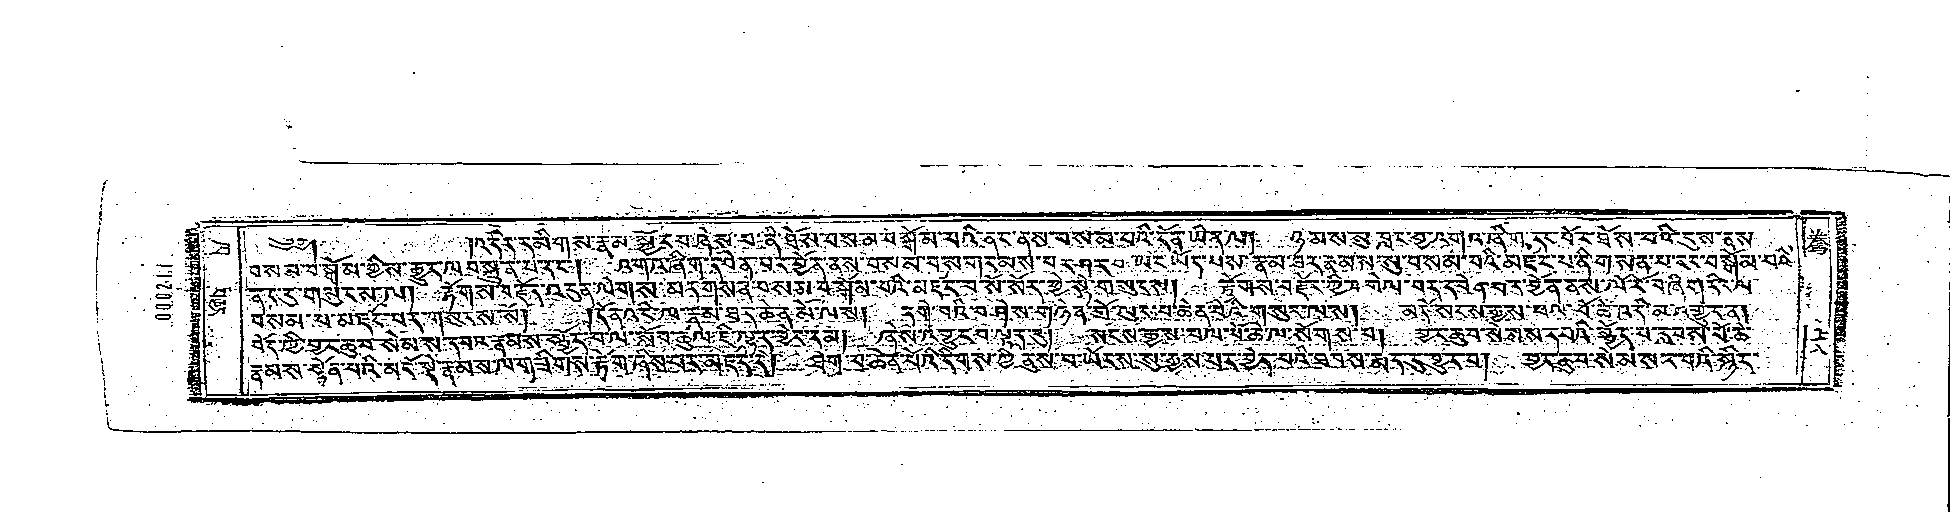༄༅། །འདིར་དམིགས་རྣམ་སྐྱོང་བ་ཞེས་བ་ནི་ཐོས་བསམ་བསྒོམ་པའི་ནང་ནས་བསམ་པའི་དོན་ཡིན་ལ། ཉམས་སུ་བླང་བྱ་འགའ་ཞིག་དང་བོར་ཐོས་བའི་དུས་ནས་
བསམ་བསྒོམ་གྱིས་རྒྱུད་ལ་བསྐྲུན་བ་དང་། འགའ་ཞིག་དབེན་བར་བྱོན་ནས་བསམ་བས་གདམས་པར་ཤར་བ་ཡང་ཡོད་པས་རྣམ་ཐར་རྣམས་སུ་བསམ་པའི་མཛད་པ་ནི་གསན་པ་དང་བསྒོམ་བའི་
ནང་དུ་གསུངས་ལ། རྟོགས་བརྗོད་འདུན་ལེགས་མར་གསན་བསམ་བསྒོམ་པའི་མཛད་བ་སོ་སོར་ཕྱེ་སྟེ་གསུངས། རྟོགས་བརྗོད་ཀྱི་འགེལ་བར་དབེན་བར་བྱོན་ནས་ལོ་ངོ་བཞིག་རིང་ལ་
བསམ་པ་མཛད་པར་གསུངས་སོ། །དོན་འདི་ལ་རྣམ་ཐར་ཆེན་མོ་ལས། དགེ་བའི་བཤེས་གཉེན་གྲོ་ལུང་བ་ཆེན་བོའི་གསུང་ལས། མདོ་སངས་རྒྱས་ཕལ་བོ་ཆེ་འདི་མ་འགྱུར་ན།
བོད་ཀྱི་བྱང་ཆུབ་སེམས་དཔའ་རྣམས་སྤྱོད་བ་ལ་སློབ་ཚུལ་ཇི་ལྟར་བྱེད་དམ། ཞེས་འབྱུང་བ་ལྟར་དུ། སངས་རྒྱས་བལ་པོ་ཆེ་ལ་སོགས་པ། བྱང་ཆུབ་སེམས་དཔའི་སྤྱོད་བ་རླབས་བོ་ཆེ་
རྣམས་སྟོན་པའི་མདོ་སྡེ་རྣམས་ལ་གཟིགས་རྟོག་ཞིས་བར་མཛད་དེ། ཐེག་བ་ཆེན་པོའི་རིགས་ཀྱི་ནུས་པ་ཡོངས་སུ་རྒྱས་པར་བྱེད་པའི་ཐབས་རྨད་དུ་བྱུང་བ། བྱང་ཆུབ་སེམས་དཔའི་སྙིང་